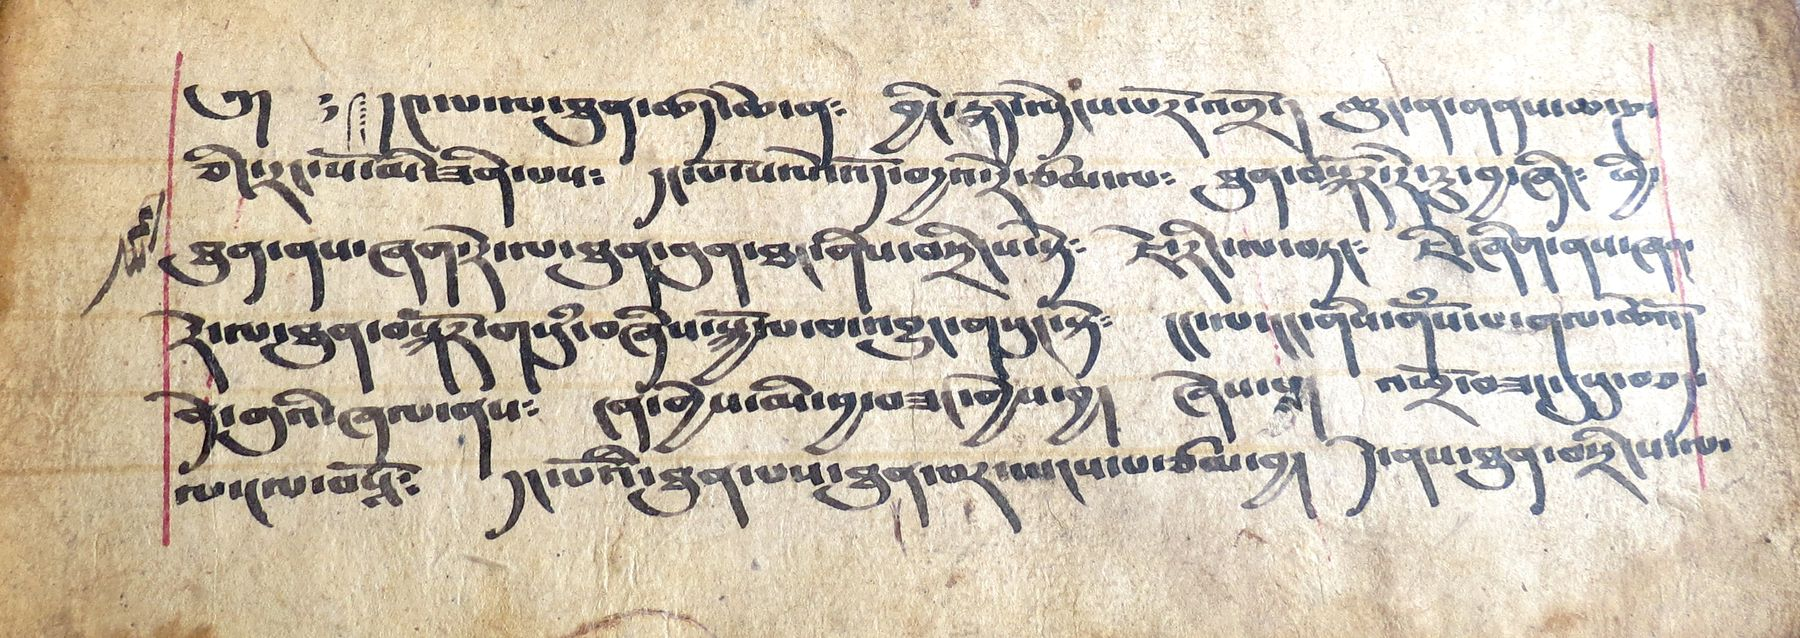བཞི་པ་ལ་ཐུན་ཚད་ཆེས་ན་བྱིང་རྒོད་ལྡིང་པོར་འགྲོ། ཆུང་ན་གནས་ཆ་མེད་
ཅིང་རང་སོ་མི་ཟིན་པས། དང་པོ་ས་ལེ་འོད་བརྒྱ་རེ་ཙམ་ལ་ཐུན་སྐོར་རེ་བྱ་ཞིང་། ཕྱི་
ཐུན་ན་ཞག་རེ་ལ་ཐུན་བུན་ཐང་གིས་བསྲིང་སྟེ་ཇེ་རིང་ལ་བཏང་། ཅི་ཞིག་ནས་ཞག་
རེ་ལ་ཐུན་སྐོར་གསུམ་བཞིས་སྐྱོལ་བ་འབྱུང་གསུངས་ཏེ། ངང་ལ་ངང་གིས་སྒོམས་པ་གལ་ཆེའོ། ། 
ནེ་གུའི་ཞལ་ནས། ངན་གྱེས་མི་བྱ་བཟང་གྱེས་བྱ་ཞེས་པས་འཕྲོ་བཟང་དུས་སུ་བཅད་
ལ་ངལ་གསོ། དང་པོ་ཐུན་བར་ཡངས་པ་ཙམ་བྱ། དེ་ནས་ཐུན་སྲིང་ལས་